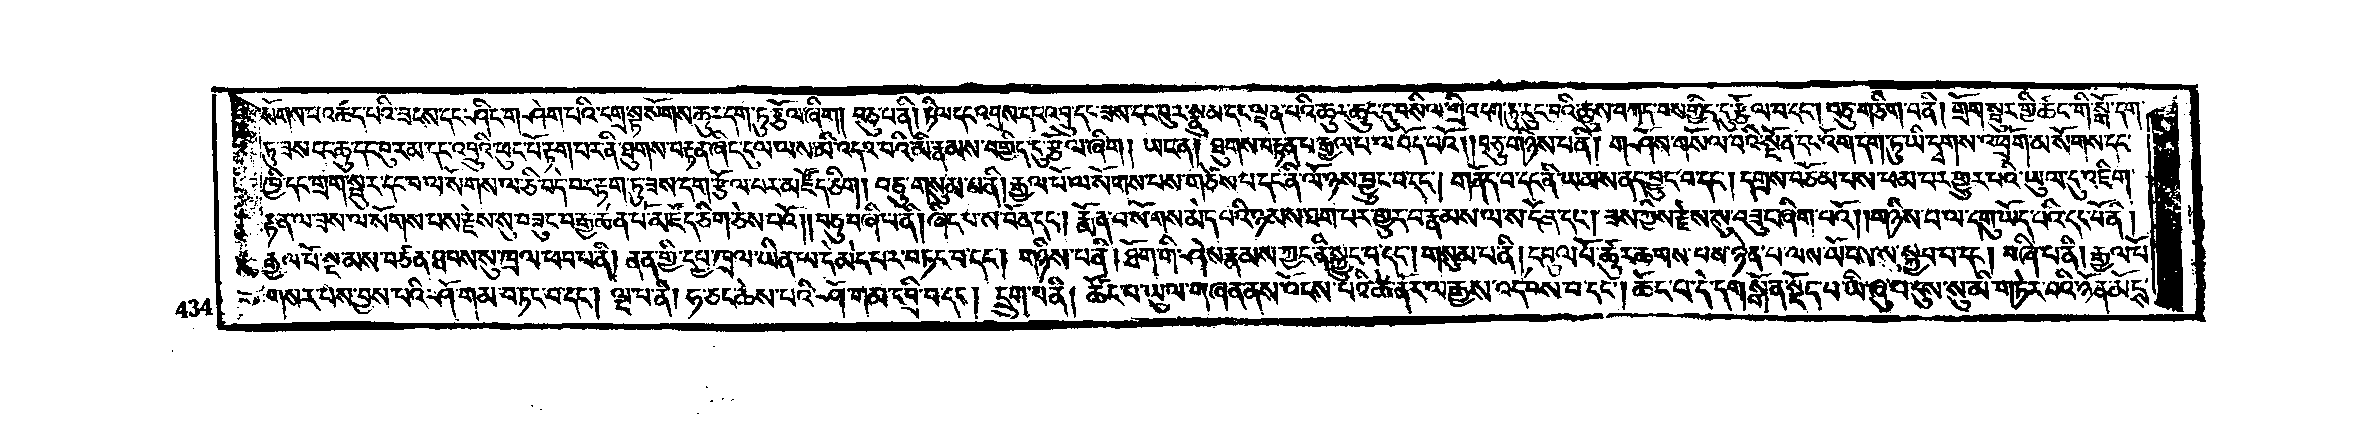སོགས་པ་འཚད་པའི་ཟངས་དང་ཤིང་གཤེག་པའི་དགྲ་སྟ་སོགས་ཆུར་དག་ཏུ་རྩོལ་ཞིག །བཅུ་པ་ནི། ཏིལ་དང་འབྲས་དང་འབྲུ་དང་ཟས་དང་བུར་སྣུམ་དང་ལྡན་པའི་ཆུར་ཆུང་དུ་བསིལ་གྲིབ་དག་ཏུ་རུང་བའི་ཆུས་བཀད་པས་གྱིད་དུ་རྩོལ་བ་དང་། བཅུ་གཅིག་པ་ནི། གྲོག་སྦུར་གྱི་ཚང་གི་སྒོ་དག་
ཏུ་ཟས་དང་ཆུ་དང་བུ་རམ་དང་འབྲུའི་ཕུང་པོ་རྟག་པར་ནི་ཐུགས་བརྟན་ཞིང་དུ་ལ་ལས་མི་འདའ་བའི་མི་རྣམས་བགྱིད་དུ་རྩོལ་ཞིག །ཡང་ན། ཐུགས་བརྟན་པ་རྒྱལ་པོ་ལ་འབོད་པའོ། །བཅུ་གཉིས་པ་ནི། གཤོས་གསོལ་བའི་སྔོན་དང་འོག་དག་ཏུ་ཡི་དྭགས་འཕྲོག་མ་སོགས་དང་
ཁྱི་དང་གྲག་སྦུར་དང་བ་ལ་སོགས་ལ་ཅི་བདེ་བར་རྟག་ཏུ་ཟས་དག་རྩོལ་བར་མཛོད་ཅིག །བཅུ་གསུམ་པ་ནི། རྒྱལ་པོ་ལ་སོགས་པས་གཙེས་པ་དང་ནི་ལོ་ཉས་བྱུང་བ་དང་། གནོད་པ་དང་ནི་ཡམས་ནད་བྱུང་བ་དང་། དགྲས་བཅོམ་པས་ཕམ་པར་གྱུར་པའི་ཡུལ་དུ་འཇིག་
རྟན་ལ་ཟས་ལ་སོགས་པས་རྗེས་སུ་བཟུང་བ་རྒྱ་ཆེན་པོ་མཛོད་ཅིག་ཅེས་པའོ། །བཅུ་བཞི་པ་ནི། ཞིང་པ་ས་བོན་དང་། རྨོན་པ་སོགས་མེད་པའི་ཉམས་ཐག་པར་གྱུར་པ་རྣམས་ལ་ས་བོན་དང་། ཟས་ཀྱིས་རྗེས་སུ་བཟུང་ཞིག་པའོ། །གཉིས་པ་ལ་དགུ་ཡོད་པའི་དང་པོ་ནི།
རྒྱལ་པོ་སྔ་མས་བཙན་ཐབས་སུ་ཁྲལ་ཕབ་པ་ནི། ནན་གྱི་དཔྱ་ཁྲལ་ཡིན་ལ་དེ་མེད་པར་བཏང་བ་དང་། གཉིས་པ་ནི། ཐོག་གི་ཤེས་རྣམས་ཀྱང་ནི་སྐྱུང་བ་དང་། གསུམ་པ་ནི། དབུལ་པོ་ཚུར་ཆགས་པས་ཉེན་པ་ལས་ཡོངས་སུ་སྐྱབ་བ་དང་། བཞི་པ་ནི། རྒྱལ་པོ་
གསར་པས་བྱས་པའི་ཤོ་གམ་བཏང་བ་དང་། ལྔ་པ་ནི། ཧ་ཅང་ཆེས་པའི་ཤོ་གམ་དབྲི་བ་དང་། དྲུག་པ་ནི། ཚོར་བ་ཡུལ་གཞན་ནས་འོངས་པའི་ཚེ་ནོར་ལ་རྒྱས་འདེབས་པ་དང་། ཆོད་བ་དེ་དག་སྒོ་ན་སྡོད་པ་ཡི་ཞུ་བ་དུས་སུ་མི་གཏེར་བའི་ཉོན་མོངས་